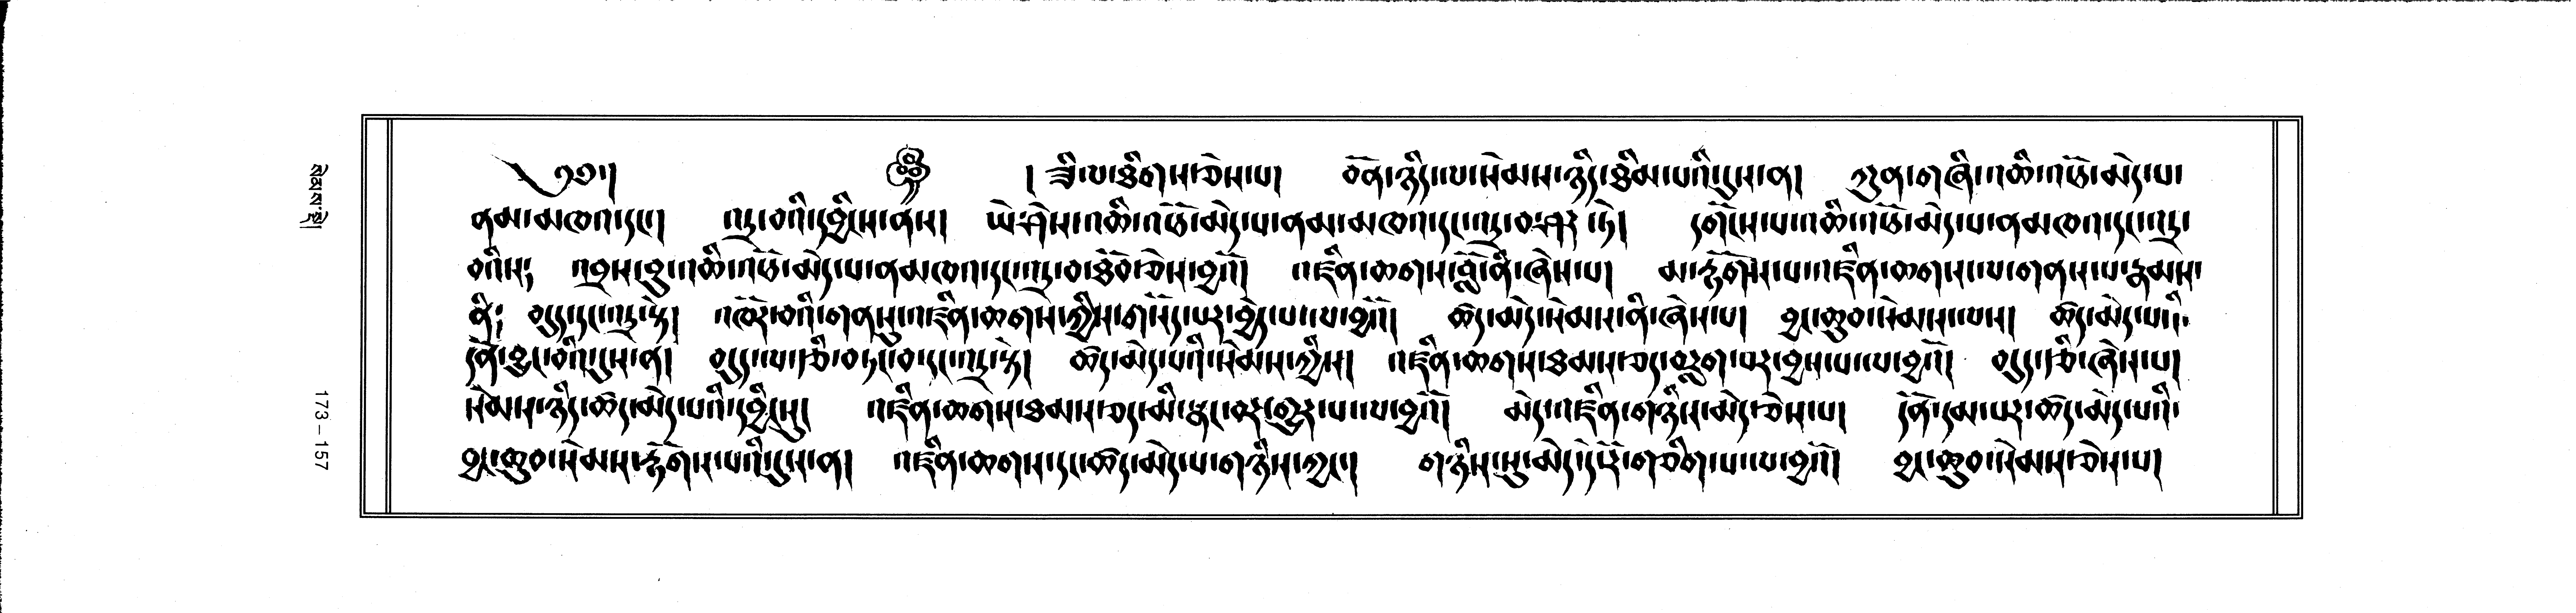ཟིལ་ཐིགས་ཅེས་པ། བོན་ཉིད་ལ་སེམས་ཉིད་ཐིམ་པའི་དུས་ན། ཀུན་གཞི་འཆི་འཕོ་མེད་པ་
ནམ་མཁའ་འདྲ་བའི་དབྱིངས་ནས། ཡེ་ཤེས་འཆི་འཕོ་མེད་པ་ནམ་མཁའ་འདྲ་བ་ཤར་ཏེ། དགོངས་པ་འཆི་འཕོ་མེད་པ་ནམ་མཁའ་འདྲ་
བ་ཡིས། །འབྲས་བུ་འཆི་འཕོ་མེད་པ་ནམ་མཁའ་འདྲ་བ་ཐོབ་ཅེས་བྱའོ། །འཛིན་ཆགས་ཀྱི་བློ་ནི་ཞེས་པས་མ་རྟོགས་པ་འཛིན་ཆགས་ལ་གནས་པ་རྣམས་
ནི་བདུད་དང་འདྲ་སྟེ། འཁོར་བའི་གནས་སུ་འཛིན་ཆགས་ཀྱིས་གསོད་པར་བྱེད་པ་ལ་བྱའོ། །ཚད་མེད་སེམས་ནི་ཞེས་པ། བྱང་ཆུབ་སེམས་ལས། ཚད་མེད་པའི་
དོན་བྱུང་བའི་དུས་ན། བདུད་ལ་རྩི་བཏང་བ་དང་འདྲ་སྟེ། ཚད་མེད་པའི་སེམས་ཀྱིས་འཛིན་ཆགས་ཐམས་ཅད་བརླག་པར་བྱས་པ་ལ་བྱའོ། །བདུད་རྩི་ཞེས་པ་
སེམས་ཉིད་ཚད་མེད་པའི་དབྱིངས་སུ། འཛིན་ཆགས་ཐམས་ཅད་མི་སྣང་བར་གྱུར་པ་ལ་བྱའོ། །མེད་འཛིན་གཉིས་མེད་ཅེས་པ། དོན་དམ་པར་ཚད་མེད་པའི་
བྱང་ཆུབ་ཀྱི་སེམས་རྟོགས་པའི་དུས་ན། འཛིན་ཆགས་དང་ཚད་མེད་པ་གཉིས་ཀྱང་། གཉིས་སུ་མེད་དེ་རོ་གཅིག་པ་ལ་བྱའོ། །བྱང་ཆུབ་སེམས་ཅེས་པ་